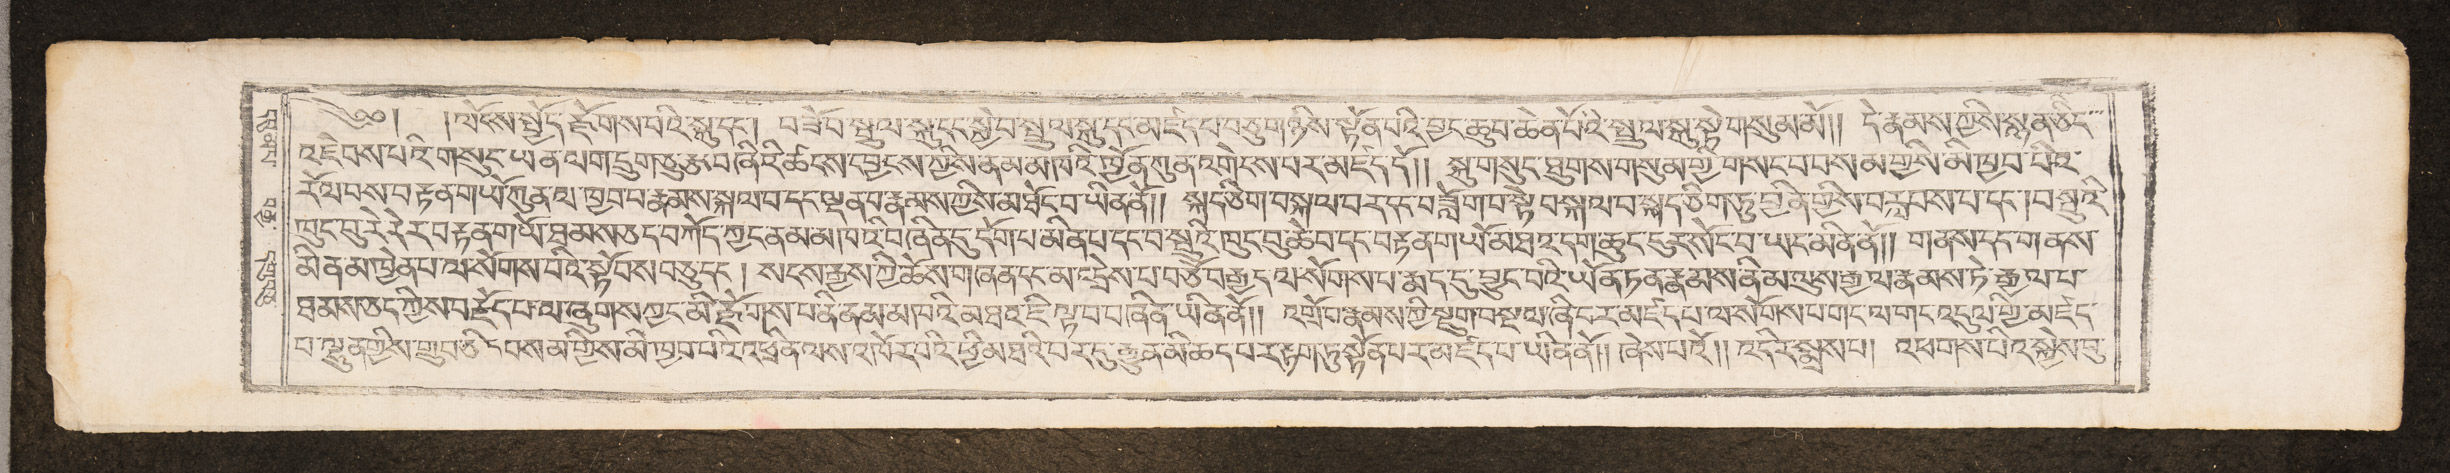༄༅། །ལོངས་སྤྱོད་རྫོགས་པའི་སྐུ་དང་། བཟོ་བ་སྤྲུལ་སྐུ་དང་སྐྱེ་བ་སྤྲུལ་སྐུ་དང་མཛད་པ་བཅུ་གཉིས་སྟོན་པའི་བྱང་ཆུབ་ཆེན་པོའི་སྤྲུལ་སྐུ་སྟེ་གསུམ་མོ།། དེ་རྣམས་ཀྱིས་སྙན་ཅིང་
འཇེབས་པའི་གསུང་ཡན་ལག་དྲུག་ཅུ་རྩ་བཞིའི་ཚངས་དབྱངས་ཀྱིས་ནམ་མཁའི་ཁྱོན་ཀུན་འགེངས་པར་མཛད་དོ།། སྐུ་གསུང་ཐུགས་གསུམ་གྱི་གསང་བ་བསམ་གྱིས་མི་ཁྱབ་པའི་
རོལ་པས་བརྟན་གཡོ་ཀུན་ལ་ཁྱབ་བ་རྣམས་སྐལ་བ་དང་ལྡན་པ་རྣམས་ཀྱིས་མཐོང་བ་ཡིན་ནོ།། སྐད་ཅིག་བསྐལ་བར་དང་བཟློག་པ་སྟེ་བསྐལ་བ་སྐད་ཅིག་ཏུ་བྱིན་གྱིས་བརླབས་པ་དང་། བ་སྦུའི་
ཁུང་བུ་རེ་རེར་བརྟན་གཡོ་ཐམས་ཅད་བཀོད་ཀྱང་ནམ་མཁའི་བཞིན་དུ་དོག་པ་མིན་པ་དང་བ་སྦུའི་ཁུང་བུ་ཆེ་བ་དང་བརྟན་གཡོ་མཐའ་དག་ཆུང་ངུར་སོང་བ་ཡང་མིན་ནོ།། གནས་དང་གནས་
མིན་མཁྱེན་པ་ལ་སོགས་པའི་སྟོབས་བཅུ་དང་། སངས་རྒྱས་ཀྱི་ཆོས་གཞན་དང་མ་འདྲེས་པ་བཅོ་བརྒྱད་ལ་སོགས་པ་རྨད་དུ་བྱུང་བའི་ཡོན་ཏན་རྣམས་ནི་མ་ལུས་རྒྱལ་རྣམས་ཏེ་རྒྱལ་པ་
ཐམས་ཅད་ཀྱིས་བརྗོད་པ་ལ་ཞུགས་ཀྱང་མི་རྫོགས་པ་ནི་ནམ་མཁའི་མཐའ་ཇི་ལྟ་བ་བཞིན་ཡིན་ནོ།། འགྲོ་བ་རྣམས་ཀྱི་སྡུག་བསྔལ་ཞི་བར་མཛད་པ་ལ་སོགས་པ་གང་ལ་གང་འདུལ་གྱི་མཛད་
པ་ལྷུན་གྱིས་གྲུབ་ཅིང་བསམ་གྱིས་མི་ཁྱབ་པའི་འཕྲིན་ལས་འཁོར་བའི་ཕྱི་མཐའི་བར་དུ་རྒྱུན་མི་ཆད་པར་རྟག་ཏུ་སྟེན་པར་མཛད་པ་ཡིན་ནོ།། ཞེས་པའོ།། འདིར་སྨྲས་པ། འཕགས་པའི་སྐྱེས་བུ་